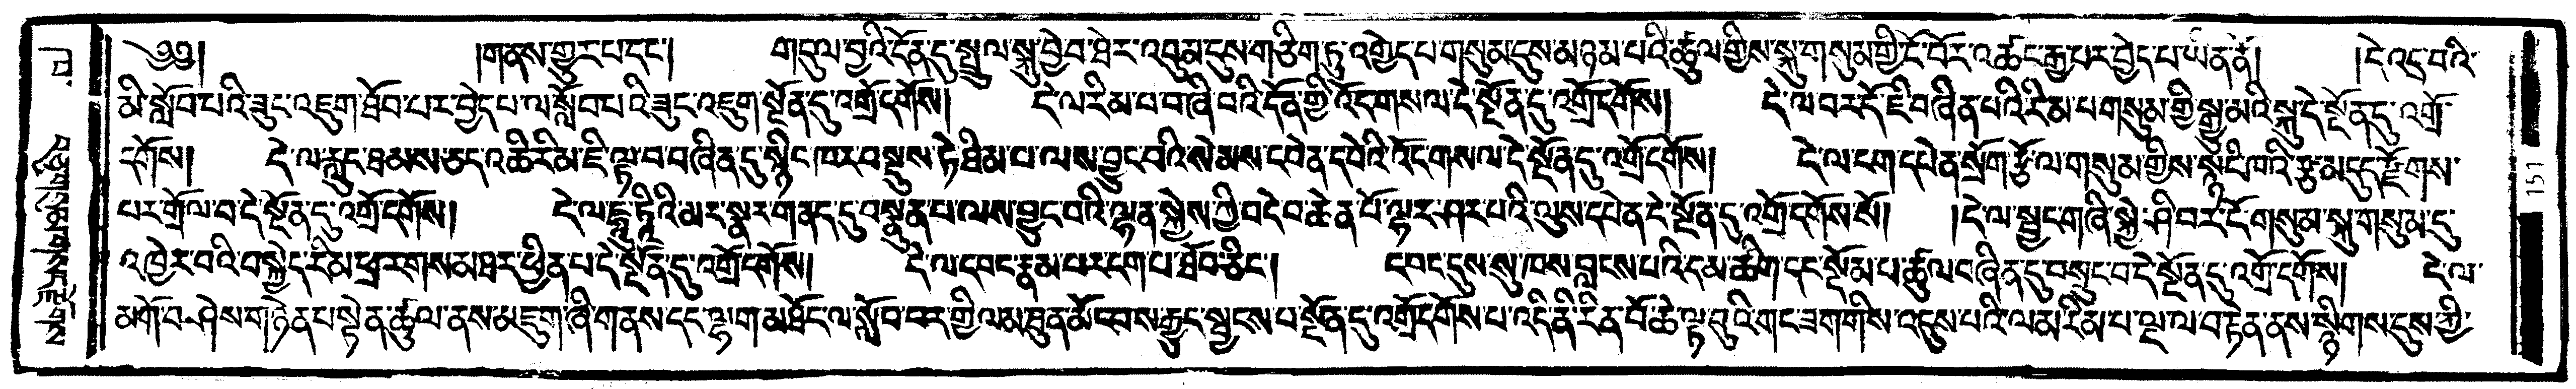༄༅། །གནས་གྱུར་པ་དང་། གདུལ་བྱའི་དོན་དུ་སྤྲུལ་སྐུ་བྱེ་བ་ཐེར་འབུམ་དུས་གཅིག་ཏུ་འགྱེད་པ་གསུམ་དུས་མཉམ་པའི་ཚུལ་གྱིས་སྐུ་གསུམ་གྱི་ངོ་བོར་འཚང་རྒྱ་པར་བྱེད་པ་ཡིན་ནོ། །དེ་འདྲ་བའི་
མི་སློབ་པའི་ཟུང་འཇུག་ཐོབ་པར་བྱེད་པ་ལ་སློབ་པའི་ཟུང་འཇུག་སྔོན་དུ་འགྲོ་དགོས། དེ་ལ་རིམ་པ་བཞི་བའི་དོན་གྱི་འོད་གསལ་དེ་སྔོན་དུ་འགྲོ་དགོས། དེ་ལ་བར་དོ་ཇི་བཞིན་པའི་རིམ་པ་གསུམ་གྱི་སྒྱུ་མའི་སྐུ་དེ་སྔོན་དུ་འགྲོ་
དགོས། དེ་ལ་རླུང་ཐམས་ཅད་འཆི་རིམ་ཇི་ལྟ་བ་བཞིན་དུ་སྙིང་ཁར་བསྡུས་ཏེ་ཐིམ་པ་ལས་བྱུང་བའི་སེམས་དབེན་དཔེའི་འོད་གསལ་དེ་སྔོན་དུ་འགྲོ་དགོས། དེ་ལ་ངག་དབེན་སྲོག་རྩོལ་གསུམ་གྱིས་སྙིང་ཁའི་རྩ་མདུད་རྫོགས་
པར་གྲོལ་བ་དེ་སྔོན་དུ་འགྲོ་དགོས། དེ་ལ་དྷཱུ་ཏཱིའི་མར་སྣར་གནད་དུ་བསྣུན་པ་ལས་བྱུང་བའི་ལྷན་སྐྱེས་ཀྱི་བདེ་བ་ཆེན་པོ་ལྷར་ཤར་པའི་ལུས་དབེན་དེ་སྔོན་དུ་འགྲོ་དགོས་སོ། །དེ་ལ་སྦྱང་གཞི་སྐྱེ་ཤི་བར་དོ་གསུམ་སྐུ་གསུམ་དུ་
འཁྱེར་བའི་བསྐྱེད་རིམ་ཕྲ་རགས་མཐར་ཕྱིན་པ་དེ་སྔོན་དུ་འགྲོ་དགོས། དེ་ལ་དབང་རྣམ་པར་དག་པ་ཐོབ་ཅིང་། དབང་དུས་སུ་ཁས་བླངས་པའི་དམ་ཚིག་དང་སྡོམ་པ་ཚུལ་བཞིན་དུ་བསྲུང་བ་དེ་སྔོན་དུ་འགྲོ་དགོས། དེ་ལ་
མགོ་བཤེས་གཉེན་པ་སྟེན་ཚུལ་ནས་མཇུག་ཞི་གནས་དང་ལྷག་མཐོང་ལ་སློབ་བར་གྱི་ལམ་ཐུན་མོང་བས་རྒྱུད་སྦྱངས་པ་སྔོན་དུ་འགྲོ་དགོས་པ་འདི་ནི་རིན་པོ་ཆེ་ལྟ་བུའི་གང་ཟག་གིས་འདུས་པའི་ལམ་རིམ་པ་ལྔ་ལ་བརྟེན་ནས་སྙིགས་དུས་ཀྱི་